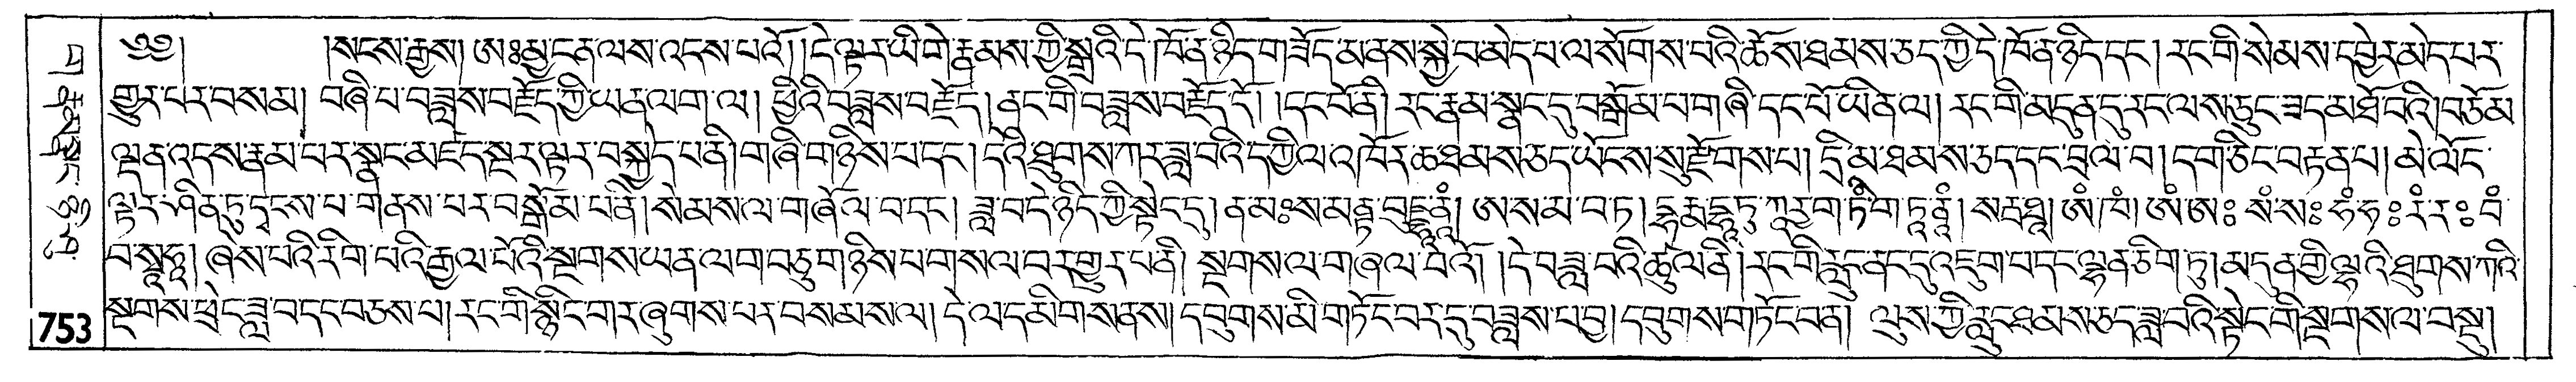༄༅། །སངས་རྒྱས། ཨཿ མྱ་ངན་ལས་འདས་པའོ། །དེ་ལྟར་ཡི་གེ་རྣམས་ཀྱི་སྒྲའི་དེ་ཁོ་ན་ཉིད་གཟོད་མ་ནས་སྐྱེ་བ་མེད་པ་ལ་སོགས་པའི་ཆོས་ཐམས་ཅད་ཀྱི་དེ་ཁོ་ན་ཉིད་དང་། རང་གི་སེམས་དབྱེར་མེད་པར་
གྱུར་པར་བསམ། བཞི་པ་བཟླས་བརྗོད་ཀྱི་ཡན་ལག་ལ། ཕྱིའི་བཟླས་བརྗོད། ནང་གི་བཟླས་བརྗོད་དོ། །དང་པོ་ནི། རང་རྣམ་སྣང་དུ་བསྒོམ་པ་གཞི་དང་པོ་ཡིན་ལ། རང་གི་མདུན་དུ་རང་ལས་ཅུང་ཟད་མཐོ་བའི། བཅོམ་
ལྡན་འདས་རྣམ་པར་སྣང་མཛད་སྔར་ལྟར་བསྐྱེད་པ་ནི། གཞི་གཉིས་པ་དང་། དེའི་ཐུགས་ཀར་ཟླ་བའི་དཀྱིལ་འཁོར་ཆ་ཐམས་ཅད་ཡོངས་སུ་རྫོགས་པ། དྲི་མ་ཐམས་ཅད་དང་བྲལ་བ། དག་ཅིང་བརྟན་པ། མེ་ལོང་
ལྟར་ཤིན་ཏུ་དྭངས་པ་གནས་པར་བསྒོམ་པ་ནི། སེམས་ལ་གཞོལ་བ་དང་། ཟླ་བ་དེ་ཉིད་ཀྱི་སྟེང་དུ། ན་མཿ ས་མནྟ་བུདྡྷཱ་ནཱཾ། ཨ་ས་མ་བ་ཏ། དྷརྨ་དྷཱ་ཏུ་ཀཱརྱ་ག་ཏཾ་ག་ཏཱ་ནཱཾ། སརྦ་ཐཱ། ཨཾ་ཁཾ། ཨཾ་ཨཿ སཾ་སཿ ཧཾ་ཧཿ རཾ་རཿ བཾ་
བ་སྭཱཧཱ། ཞེས་པའི་རིག་པའི་རྒྱལ་པོའི་སྔགས་ཡན་ལག་བཅུ་གཉིས་པ་གསལ་བར་གྱུར་པ་ནི། སྔགས་ལ་གཞལ་བའོ། །དེ་བཟླ་བའི་ཚུལ་ནི། རང་གི་རླུང་ནང་དུ་འཇུག་པ་དང་ལྷན་ཅིག་ཏུ། མདུན་གྱི་ལྷའི་ཐུགས་ཀའི་
སྔགས་ཕྲེང་ཟླ་བ་དང་བཅས་པ། རང་གི་སྙིང་གར་ཞུགས་པར་བསམས་ལ། དེ་ལ་དམིགས་ནས། དབུགས་མི་གཏོང་བར་དུ་བཟླས་པ་བྱ། དབུགས་གཏོང་བ་ན། ལུས་ཀྱི་རླུང་ཐམས་ཅད་ཟླ་བའི་སྟེང་གི་སྔགས་ལ་བསྡུ།